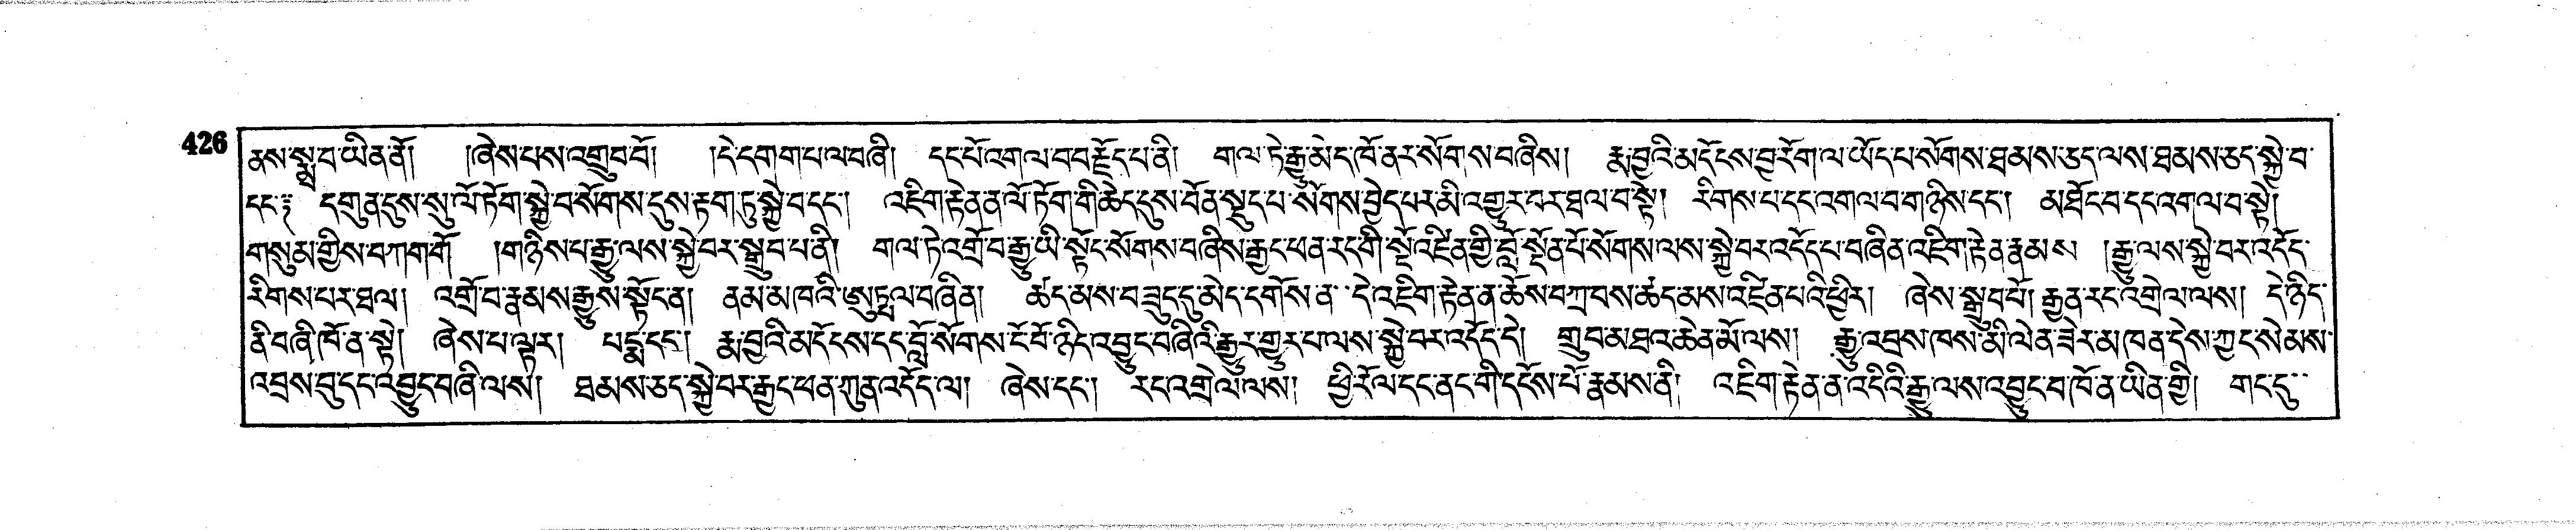ནས་སྨྲ་བ་ཡིན་ནོ། །ཞེས་པས་འགྲུབ་བོ། །དེ་དགག་པ་ལ་བཞི། དང་པོ་འགལ་བ་བརྗོད་པ་ནི། གལ་ཏེ་རྒྱུ་མེད་ཁོ་ནར་སོགས་བཞིས། རྨ་བྱའི་མདོངས་བྱ་རོག་ལ་ཡོད་པ་སོགས་ཐམས་ཅད་ལས་ཐམས་ཅད་སྐྱེ་བ་
དང༑ དགུན་དུས་སུ་ལོ་ཏོག་སྐྱེ་བ་སོགས་དུས་རྟག་ཏུ་སྐྱེ་བ་དང་། འཇིག་རྟེན་ན་ལོ་ཏོག་གི་ཆེད་དུ་ས་བོན་སྡུད་པ་སོགས་བྱེད་པར་མི་འགྱུར་བར་ཐལ་བ་སྟེ། རིགས་པ་དང་འགལ་བ་གཉིས་དང་། མཐོང་བ་དང་འགལ་བ་སྟེ།
གསུམ་གྱིས་བཀག་གོ །གཉིས་པ་རྒྱུ་ལས་སྐྱེ་བར་སྒྲུབ་པ་ནི། གལ་ཏེ་འགྲོ་བ་རྒྱུ་ཡི་སྟོང་སོགས་བཞིས་རྒྱང་ཕན་རང་གི་སྔོ་འཛིན་གྱི་བློ་སྔོན་པོ་སོགས་ལས་སྐྱེ་བར་འདོད་པ་བཞིན་འཇིག་རྟེན་རྣམས་།རྒྱུ་ལས་སྐྱེ་བར་འདོད་
རིགས་པར་ཐལ། འགྲོ་བ་རྣམས་རྒྱུས་སྟོང་ན། ནམ་མཁའི་ཨུཏྤལ་བཞིན། ཚད་མས་བཟུང་དུ་མེད་དགོས་ན་དེ་འཇིག་རྟེན་ན་ཆོས་བཀྲ་བས་ཚད་མས་འཛིན་པའི་ཕྱིར། ཞེས་སྒྲུབ་པོ། རྒྱན་རང་འགྲེལ་ལས། དེ་ཉིད་
ནི་བཞི་ཁོ་ན་སྟེ། ཞེས་པ་ལྟར། པདམ་དང་། རྨ་བྱའི་མདོངས་དང་བློ་སོགས་ངོ་བོ་ཉིད་འབྱུང་བཞིའི་རྒྱུར་གྱུར་པ་ལས་སྐྱེ་བར་འདོད་དེ། གྲུབ་མཐའ་ཆེན་མོ་ལས། རྒྱུ་འབྲས་ཁས་མི་ལེན་ཟེར་མཁན་དེས་ཀྱང་སེམས་
འབྲས་བུ་དང་འབྱུང་བཞི་ལས། ཐམས་ཅད་སྐྱེ་བར་རྒྱང་ཕན་ཀུན་འདོད་ལ། ཞེས་དང་། རང་འགྲེལ་ལས། ཕྱི་རོལ་དང་ནང་གི་དངོས་པོ་རྣམས་ནི། འཇིག་རྟེན་ན་འདིའི་རྒྱུ་ལས་འབྱུང་བ་ཁོ་ན་ཡིན་གྱི། གང་དུ་